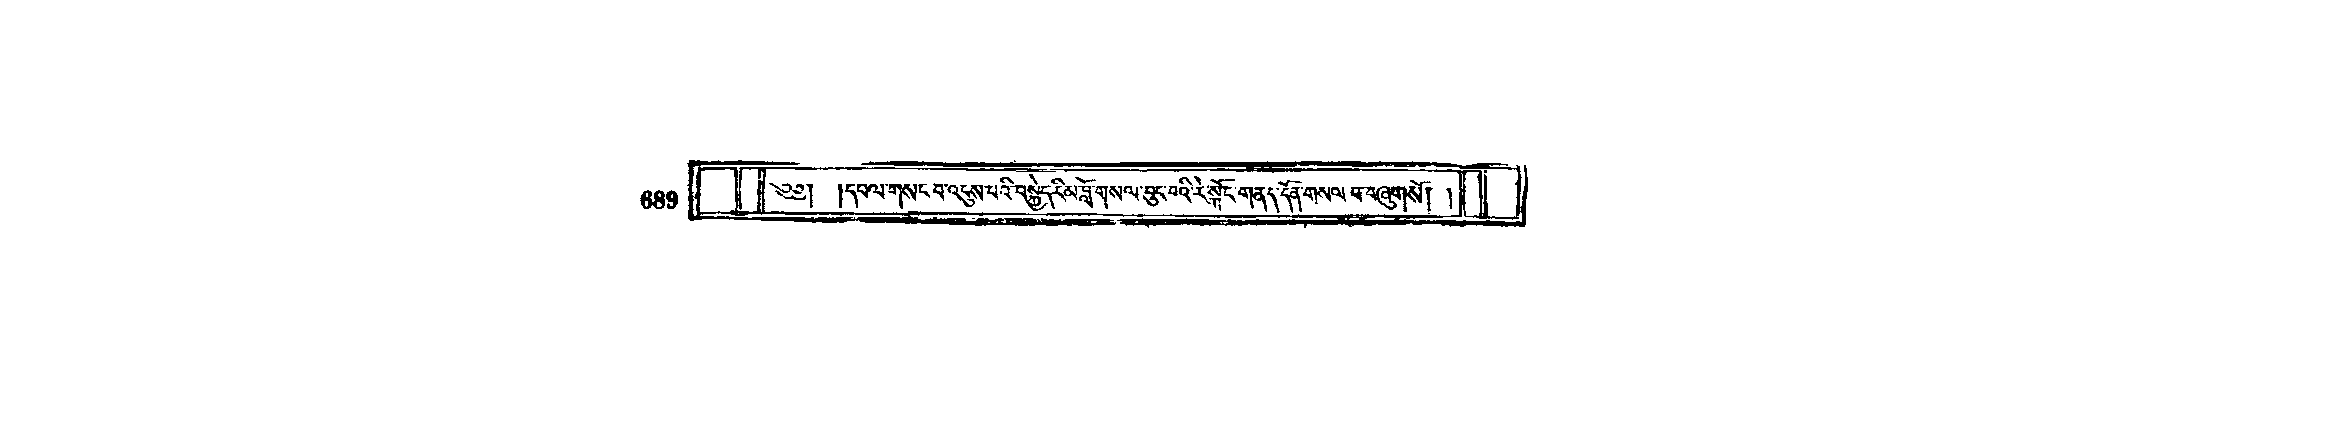༄༅། །དཔལ་གསང་བ་འདུས་པའི་བསྐྱེད་རིམ་བློ་གསལ་བུང་བའི་རེ་སྐོང་གནད་དོན་གསལ་བ་བཞུགས་སོ། །